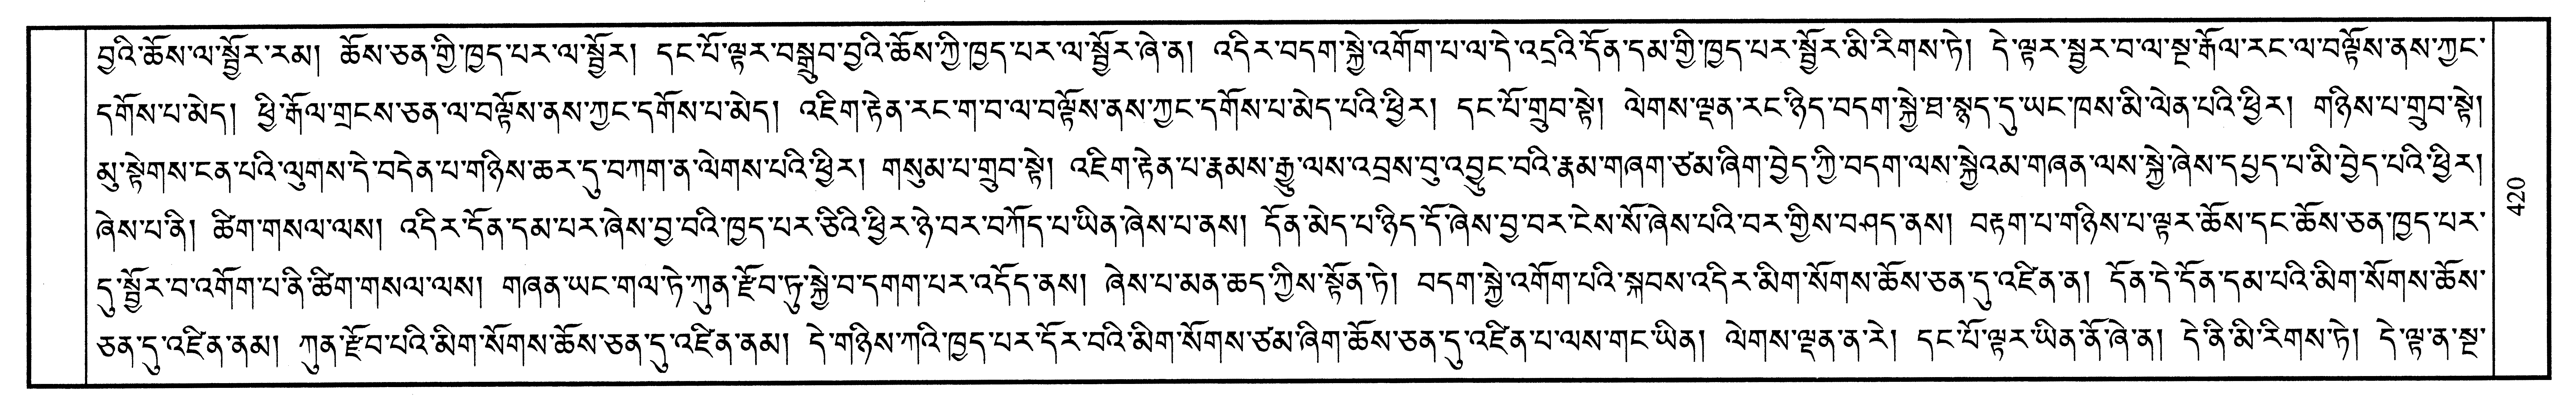བྱའི་ཆོས་ལ་སྦྱོར་རམ། ཆོས་ཅན་གྱི་ཁྱད་པར་ལ་སྦྱོར། དང་པོ་ལྟར་བསྒྲུབ་བྱའི་ཆོས་ཀྱི་ཁྱད་པར་ལ་སྦྱོར་ཞེ་ན། འདིར་བདག་སྐྱེ་འགོག་པ་ལ་དེ་འདྲའི་དོན་དམ་གྱི་ཁྱད་པར་སྦྱོར་མི་རིགས་ཏེ། དེ་ལྟར་སྦྱར་བ་ལ་སྔ་རྒོལ་རང་ལ་བལྟོས་ནས་ཀྱང་
དགོས་པ་མེད། ཕྱི་རྒོལ་གྲངས་ཅན་ལ་བལྟོས་ནས་ཀྱང་དགོས་པ་མེད། འཇིག་རྟེན་རང་ག་བ་ལ་བལྟོས་ནས་ཀྱང་དགོས་པ་མེད་པའི་ཕྱིར། དང་པོ་གྲུབ་སྟེ། ལེགས་ལྡན་རང་ཉིད་བདག་སྐྱེ་ཐ་སྙད་དུ་ཡང་ཁས་མི་ལེན་པའི་ཕྱིར། གཉིས་པ་གྲུབ་སྟེ།
མུ་སྟེགས་ངན་པའི་ལུགས་དེ་བདེན་པ་གཉིས་ཆར་དུ་བཀག་ན་ལེགས་པའི་ཕྱིར། གསུམ་པ་གྲུབ་སྟེ། འཇིག་རྟེན་པ་རྣམས་རྒྱུ་ལས་འབྲས་བུ་འབྱུང་བའི་རྣམ་གཞག་ཙམ་ཞིག་བྱེད་ཀྱི་བདག་ལས་སྐྱེའམ་གཞན་ལས་སྐྱེ་ཞེས་དཔྱད་པ་མི་བྱེད་པའི་ཕྱིར།
ཞེས་པ་ནི། ཚིག་གསལ་ལས། འདིར་དོན་དམ་པར་ཞེས་བྱ་བའི་ཁྱད་པར་ཅིའི་ཕྱིར་ཉེ་བར་བཀོད་པ་ཡིན་ཞེས་པ་ནས། དོན་མེད་པ་ཉིད་དོ་ཞེས་བྱ་བར་ངེས་སོ་ཞེས་པའི་བར་གྱིས་བཤད་ནས། བརྟག་པ་གཉིས་པ་ལྟར་ཆོས་དང་ཆོས་ཅན་ཁྱད་པར་
དུ་སྦྱོར་བ་འགོག་པ་ནི་ཚིག་གསལ་ལས། གཞན་ཡང་གལ་ཏེ་ཀུན་རྫོབ་ཏུ་སྐྱེ་བ་དགག་པར་འདོད་ནས། ཞེས་པ་མན་ཆད་ཀྱིས་སྟོན་ཏེ། བདག་སྐྱེ་འགོག་པའི་སྐབས་འདིར་མིག་སོགས་ཆོས་ཅན་དུ་འཛིན་ན། དོན་དེ་དོན་དམ་པའི་མིག་སོགས་ཆོས་
ཅན་དུ་འཛིན་ནམ། ཀུན་རྫོབ་པའི་མིག་སོགས་ཆོས་ཅན་དུ་འཛིན་ནམ། དེ་གཉིས་ཀའི་ཁྱད་པར་དོར་བའི་མིག་སོགས་ཙམ་ཞིག་ཆོས་ཅན་དུ་འཛིན་པ་ལས་གང་ཡིན། ལེགས་ལྡན་ན་རེ། དང་པོ་ལྟར་ཡིན་ནོ་ཞེ་ན། དེ་ནི་མི་རིགས་ཏེ། དེ་ལྟ་ན་སྔ་